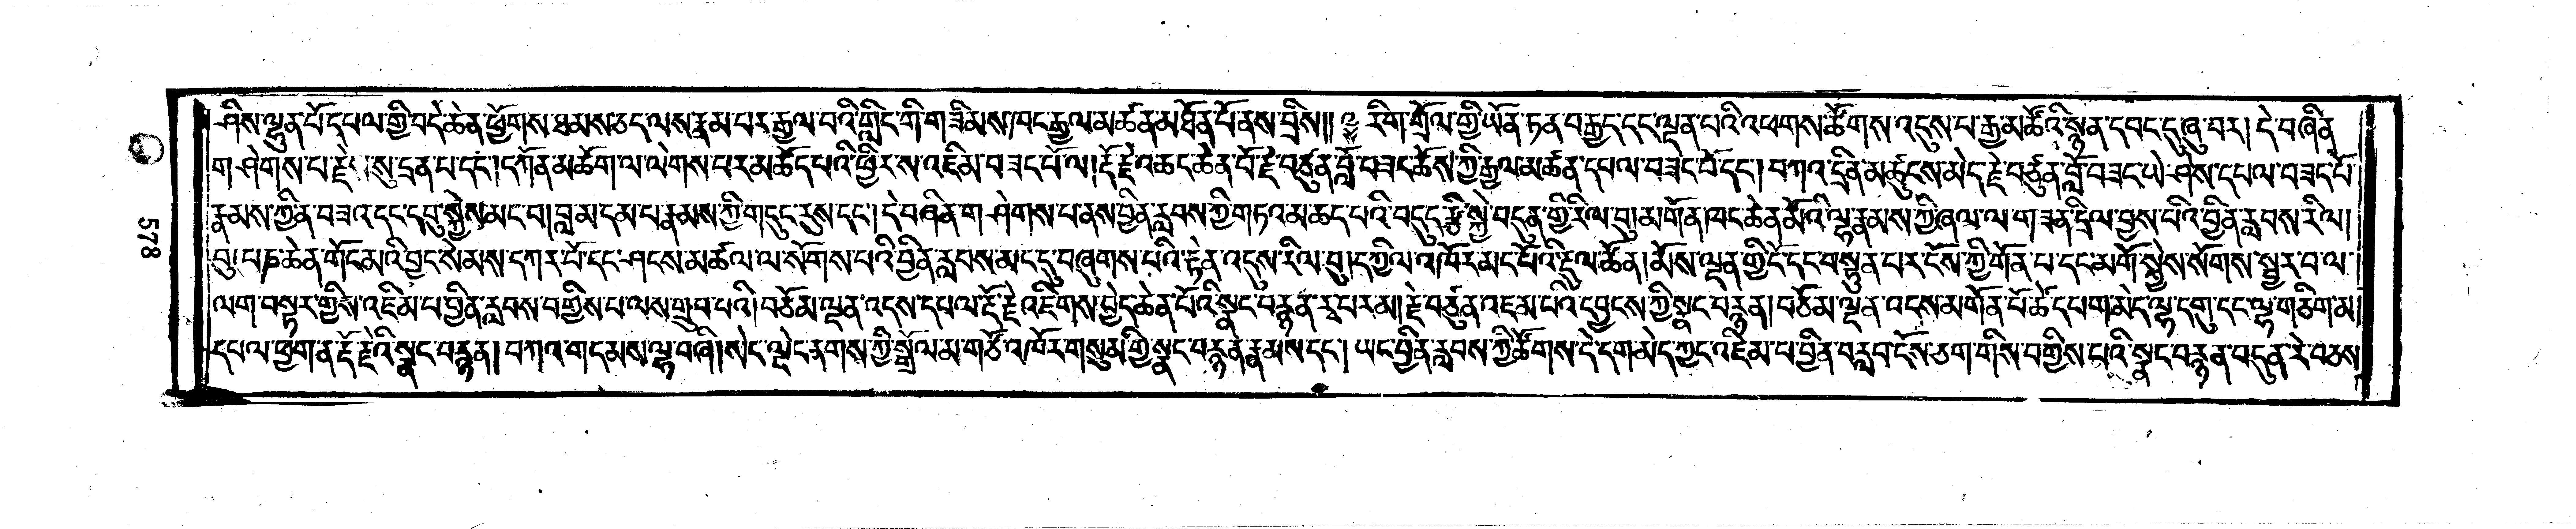ཤིས་ལྷུན་པོ་དཔལ་གྱི་བདེ་ཆེན་ཕྱོགས་ཐམས་ཅད་ལས་རྣམ་པར་རྒྱལ་བའི་གླིང་གི་གཟིམས་ཁང་རྒྱལ་མཚན་མཐོན་པོ་ནས་བྲིས།། ༈ རིག་གྲོལ་གྱི་ཡོན་ཏན་བརྒྱད་དང་ལྡན་པའི་འཕགས་ཚོགས་འདུས་པ་རྒྱ་མཚོའི་སྙན་དབང་དུ་ཞུ་བར། དེ་བཞིན་
གཤེགས་པ་རྗེས་སུ་དྲན་པ་དང་།དཀོན་མཆོག་ལ་ལེགས་པར་མཆོད་པའི་ཕྱིར་ས་འཇིམ་བཟང་པོ་ལ། རྡོ་རྗེ་འཆང་ཆེན་པོ་རྗེ་བཙུན་བློ་བཟང་ཆོས་ཀྱི་རྒྱལ་མཚན་དཔལ་བཟང་པོ་དང་། བཀའ་དྲིན་མཚུངས་མེད་རྗེ་བཙུན་བློ་བཟང་ཡེ་ཤེས་དཔལ་བཟང་པོ་
རྣམས་ཀྱི་ན་བཟའ་དང་དབུ་སྐྱེས་མང་བ། བླ་མ་དམ་པ་རྣམས་ཀྱི་གདུང་རུས་དང་། དེ་བཞིན་གཤེགས་པ་ནས་བྱིན་རླབས་ཀྱི་གཏའ་མ་ཆད་པའི་བདུད་རྩི་སྐྱེ་བདུན་གྱི་རིལ་བུ། མགོན་ཁང་ཆེན་མོའི་ལྷ་རྣམས་ཀྱི་ཞལ་ལ་གཟན་དྲིལ་བྱས་པའི་བྱིན་རླབས་རིལ།
བུ༑ པཎ་ཆེན་གོང་མའི་བྱང་སེམས་དཀར་པོ་དང་ཤངས་མཚལ་ལ་སོགས་པའི་བྱིན་རླབས་མང་དུ་བཞུགས་པའི་རྟེན་འདུས་རིལ་བུ། དཀྱིལ་འཁོར་མང་པོའི་རྡུལ་ཚོན། །མོས་ལྡན་གྱི་ངོ་དང་བསྟུན་པར་ངོས་ཀྱི་གོན་པ་དང་མགོ་སྐྱེས་སོགས་སྦྱར་བ་ལ་
ལག་བསྟར་གྱིས་འཇིམ་པ་བྱིན་རླབས་བགྱིས་པ་ལས་གྲུབ་པའི། བཅོམ་ལྡན་འདས་དཔལ་རྡོ་རྗེ་འཇིགས་བྱེད་ཆེན་པོའི་སྣང་བརྙན་རྭ་པར་མ། རྗེ་བཙུན་འཇམ་པའི་དབྱངས་ཀྱི་སྣང་བརྙེན། བཅོམ་ལྡན་འདས་མགོན་པོ་ཚེ་དཔག་མེད་ལྷ་དགུ་དང་ལྷ་གཅིག་མ།
དཔལ་ཕྱག་ན་རྡོ་རྗེའི་སྣང་བརྙན། བཀའ་གདམས་ལྷ་བཞི། སེང་ལྡེང་ནགས་ཀྱི་སྒྲོལ་མ་གཙོ་འཁོར་གསུམ་གྱི་སྣང་བརྙན་རྣམས་དང་། ཡང་བྱིན་རླབས་ཀྱི་ཚོགས་དེ་དག་མེད་ཀྱང་འཇིམ་པ་བྱིན་བརླབས་ངོས་ཅག་གིས་བགྱིས་པའི་སྣང་བརྙན་བདུན་རེ་བཅས་